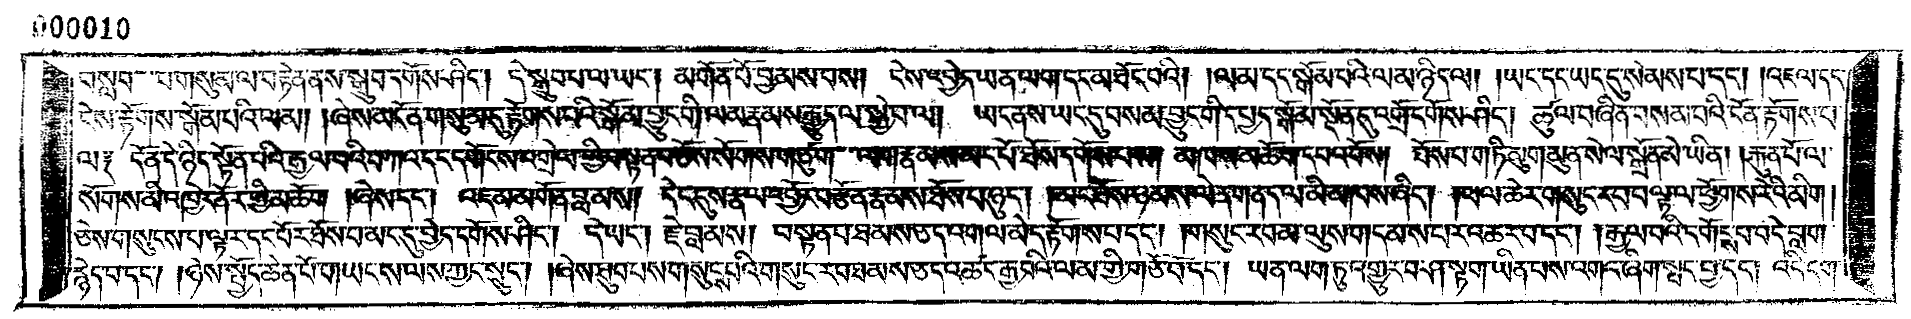བསླབ་པ་གསུམ་ལ་བརྟེན་ནས་སྒྲུབ་དགོས་ཤིང་། དེ་སྒྲུབ་པ་ལ་ཡང་། མགོན་པོ་བྱམས་པས། ངེས་འབྱེད་ཡན་ལག་དང་མཐོང་བའི། །ལམ་དང་སྒོམ་པའི་ལམ་ཉིད་ལ། །ཡང་དང་ཡང་དུ་སེམས་པ་དང་། །འཇལ་དང་
ངེས་རྟོགས་སྒོམ་པའི་ལམ། །ཞེས་མངོན་གསུམ་དུ་རྟོགས་པའི་སྒོམ་བྱུང་གི་ལམ་རྣམས་རྒྱུད་ལ་སྐྱེ་བ་ལ། ཡང་ནས་ཡང་དུ་བསམ་བྱུང་གི་དཔྱད་སྒོམ་སྔོན་དུ་འགྲོ་དགོས་ཤིང་། ཚུལ་བཞིན་བསམ་པའི་དོན་རྟོགས་པ་
ལ༑ དོན་དེ་ཉིད་སྟོན་པའི་རྒྱལ་བའི་བཀའ་དང་དགོངས་འགྲེལ་གྱི་བསྟན་བཅོས་སོགས་གཙུག་ལག་རྣམས་མང་པོ་ཐོས་དགོས་པས། མཁས་མཆོག་དཔའ་བོས། ཐོས་པ་གཏི་མུག་མུན་སེལ་སྒྲོན་མེ་ཡིན། །རྐུན་པོ་ལ་
སོགས་མི་འཁྱེར་ནོར་གྱི་མཆོག །ཞེས་དང་། འཇམ་མགོན་བླ་མས། དེང་དུས་རྣལ་འབྱོར་བརྩོན་རྣམས་ཐོས་པ་ཉུང་། །མང་ཐོས་ཉམས་ལེན་གནད་ལ་མི་མཁས་ཞིང་། །ཕལ་ཆེར་གསུང་རབ་བལྟ་ལ་ཕྱོགས་རེའི་མིག །
ཅེས་གསུངས་པ་ལྟར་དང་པོར་ཐོས་པ་མང་དུ་བྱེད་དགོས་ཤིང་། དེ་ཡང་། རྗེ་བླ་མས། བསྟན་པ་ཐམས་ཅད་འགལ་མེད་རྟོགས་པ་དང་། །གསུང་རབ་མ་ལུས་གདམས་པར་འཆར་བ་དང་། །རྒྱལ་བའི་དགོངས་པ་བདེ་བླག་
རྙེད་པ་དང་། །ཉེས་སྤྱོད་ཆེན་པོ་གཡང་ས་ལས་ཀྱང་སྲུང་། །ཞེས་ཐུབ་པས་གསུངས་པའི་གསུང་རབ་ཐམས་ཅད་འཚང་རྒྱ་བའི་ལམ་གྱི་གཙོ་བོ་དང་། ཡན་ལག་ཏུ་འགྱུར་བ་ཤ་སྟག་ཡིན་པས་འགའ་ཞིག་སྤང་བྱ་དང་། འདི་དག་